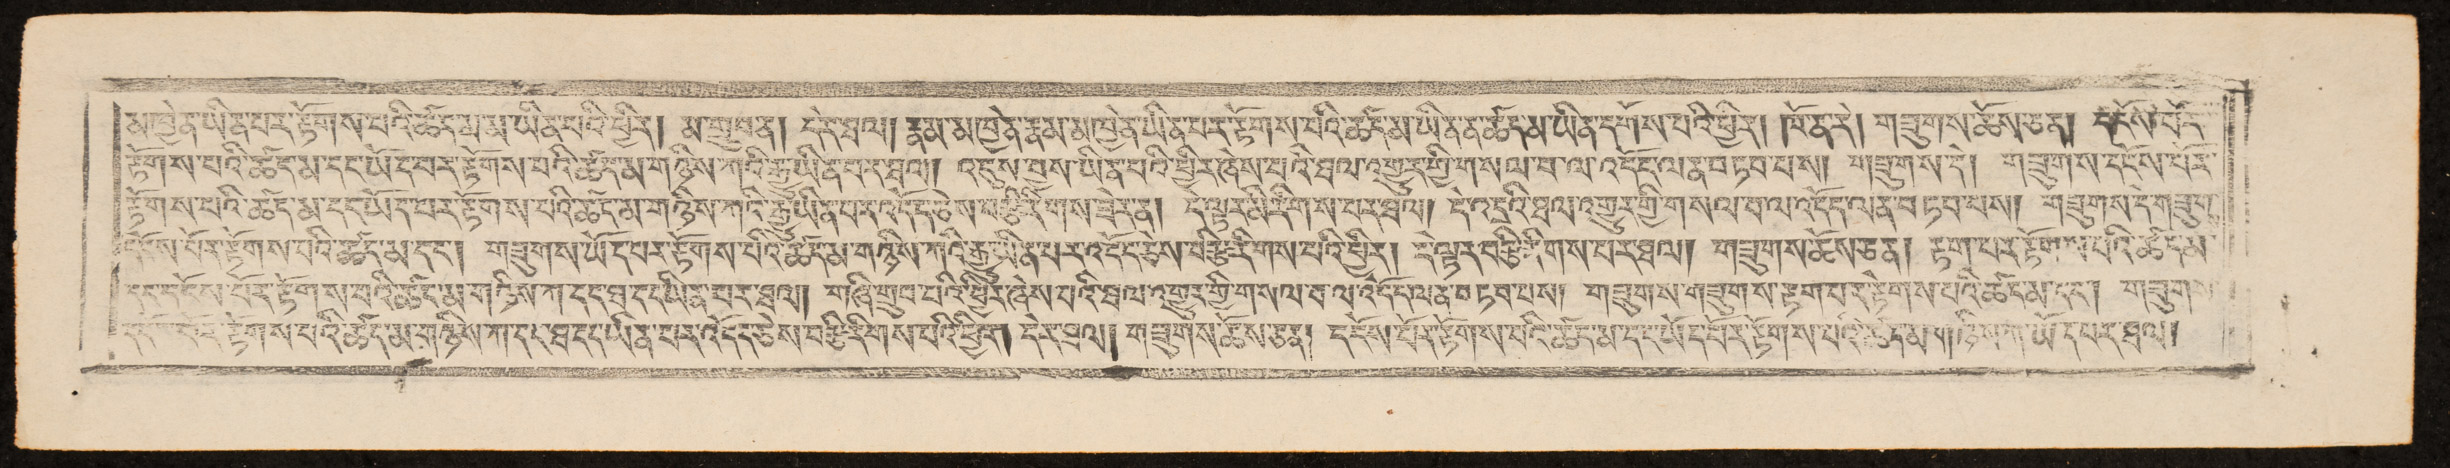མཁྱེན་ཡིན་པར་རྟོགས་པའི་ཚད་མ་མ་ཡིན་པའི་ཕྱིར། མ་གྲུབ་ན། དེར་ཐལ། རྣམ་མཁྱེན་རྣམ་མཁྱེན་ཡིན་པར་རྟོགས་པའི་ཚད་མ་ཡིན་ན་ཚད་མ་ཡིན་དགོས་པའི་ཕྱིར། ཁོ་ན་རེ། གཟུགས་ཆོས་ཅན། དངོས་པོར་
རྟོགས་པའི་ཚད་མ་དང་ཡོད་པར་རྟོགས་པའི་ཚད་མ་གཉིས་ཀའི་རྒྱུ་ཡིན་པར་ཐལ། འདུས་བྱས་ཡིན་པའི་ཕྱིར་ཞེས་པའི་ཐལ་འགྱུར་གྱི་གསལ་བ་ལ་འདོད་ལན་བཏབ་པས། གཟུགས་དེ། གཟུགས་དངོས་པོར་
རྟོགས་པའི་ཚད་མ་དང་ཡོད་པར་རྟོགས་པའི་ཚད་མ་གཉིས་ཀའི་རྒྱུ་ཡིན་པར་འདོད་ཅེས་བརྩི་རིགས་ཟེར་ན། དེ་ལྟར་མི་རིགས་པར་ཐལ། དེ་འདྲའི་ཐལ་འགྱུར་གྱི་གསལ་བ་ལ་འདོད་ལན་བཏབ་པས། གཟུགས་དེ་གཟུགས་
དངོས་པོར་རྟོགས་པའི་ཚད་མ་དང་། གཟུགས་ཡོད་པར་རྟོགས་པའི་ཚད་མ་གཉིས་ཀའི་རྒྱུ་ཡིན་པར་འདོད་ཅེས་བརྩི་རིགས་པའི་ཕྱིར། དེ་ལྟར་བརྩི་རིགས་པར་ཐལ། གཟུགས་ཆོས་ཅན། རྟག་པར་རྟོགས་པའི་ཚད་མ་
དང་དངོས་པོར་རྟོགས་པའི་ཚད་མ་གཉིས་ཀ་དང་ཐ་དད་ཡིན་པར་ཐལ། གཞི་གྲུབ་པའི་ཕྱིར་ཞེས་པའི་ཐལ་འགྱུར་གྱི་གསལ་བ་ལ་འདོད་ལན་བཏབ་པས། གཟུགས་གཟུགས་རྟག་པར་རྟོགས་པའི་ཚད་མ་དང་། གཟུགས་
དངོས་པོར་རྟོགས་པའི་ཚད་མ་གཉིས་ཀ་དང་ཐ་དད་ཡིན་པར་འདོད་ཅེས་བརྩི་རིགས་པའི་ཕྱིར། དེར་ཐལ། གཟུགས་ཆོས་ཅན། དངོས་པོར་རྟོགས་པའི་ཚད་མ་དང་ཡོད་པར་རྟོགས་པའི་ཚད་མ་གཉིས་ཀ་ཡོད་པར་ཐལ།